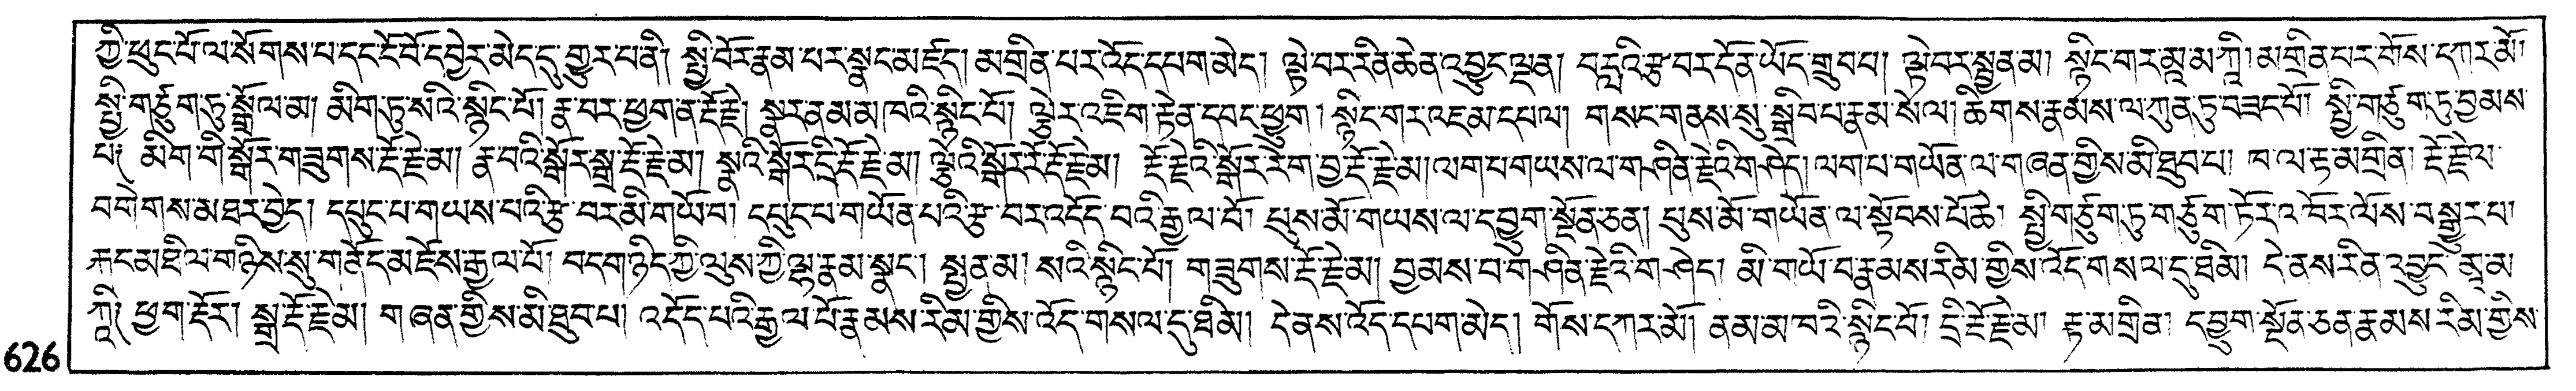ཀྱི་ཕུང་པོ་ལ་སོགས་པ་དང་ངོ་བོ་དབྱེར་མེད་དུ་གྱུར་པ་ནི། སྤྱི་བོར་རྣམ་པར་སྣང་མཛད། མགྲིན་པར་འོད་དཔག་མེད། ལྟེ་བར་རིན་ཆེན་འབྱུང་ལྡན། བརླའི་རྩ་བར་དོན་ཡོད་གྲུབ་པ། ལྟེ་བར་སྤྱན་མ། སྙིང་གར་མཱ་མ་ཀཱི། མགྲིན་པར་གོས་དཀར་མོ།
སྤྱི་གཙུག་ཏུ་སྒྲོལ་མ། མིག་ཏུ་སའི་སྙིང་པོ། རྣ་བར་ཕྱག་ན་རྡོ་རྗེ། སྣར་ནམ་མཁའི་སྙིང་པོ། ལྕེར་འཇིག་རྟེན་དབང་ཕྱུག །སྙིང་གར་འཇམ་དཔལ། གསང་གནས་སུ་སྒྲིབ་པ་རྣམ་སེལ། ཚིགས་རྣམས་ལ་ཀུན་ཏུ་བཟང་པོ། སྤྱི་གཙུག་ཏུ་བྱམས་
པ༑ མིག་གི་སྒོར་གཟུགས་རྡོ་རྗེ་མ། རྣ་བའི་སྒོར་སྒྲ་རྡོ་རྗེ་མ། སྣའི་སྒོར་དྲི་རྡོ་རྗེ་མ། ལྕེའི་སྒོར་རོ་རྡོ་རྗེ་མ། རྡོ་རྗེའི་སྒོར་རེག་བྱ་རྡོ་རྗེ་མ། ལག་པ་གཡས་ལ་གཤིན་རྗེའི་གཤེད། ལག་པ་གཡོན་ལ་གཞན་གྱིས་མི་ཐུབ་པ། ཁ་ལ་རྟ་མགྲིན། རྡོ་རྗེ་ལ་
བགེགས་མཐར་བྱེད། དཔུང་པ་གཡས་པའི་རྩ་བར་མི་གཡོ་བ། དཔུང་པ་གཡོན་པའི་རྩ་བར་འདོད་པའི་རྒྱལ་བོ། པུས་མོ་གཡས་ལ་དབྱུག་སྔོན་ཅན། པུས་མོ་གཡོན་ལ་སྟོབས་པོ་ཆེ། སྤྱི་གཙུག་ཏུ་གཙུག་ཏོར་འཁོར་ལོས་བསྒྱུར་པ།
རྐང་མཐིལ་གཉིས་སུ་གནོད་མཛེས་རྒྱལ་པོ། བདག་ཉིད་ཀྱི་ལུས་ཀྱི་ལྷ་རྣམ་སྣང་། སྤྱན་མ། སའི་སྙིང་པོ། གཟུགས་རྡོ་རྗེ་མ། བྱམས་པ་གཤིན་རྗེའི་གཤེད། མི་གཡོ་བ་རྣམས་རིམ་གྱིས་འོད་གསལ་དུ་ཐིམ། དེ་ནས་རིན་འབྱུང་མཱ་མ་
ཀཱི༑ ཕྱག་རྡོར། སྒྲ་རྡོ་རྗེ་མ། གཞན་གྱིས་མི་ཐུབ་པ། འདོད་པའི་རྒྱལ་པོ་རྣམས་རིམ་གྱིས་འོད་གསལ་དུ་ཐིམ། དེ་ནས་འོད་དཔག་མེད། གོས་དཀར་མོ། ནམ་མཁའི་སྙིང་པོ། དྲི་རྡོ་རྗེ་མ། རྟ་མགྲིན། དབྱུག་སྔོན་ཅན་རྣམས་རིམ་གྱིས་